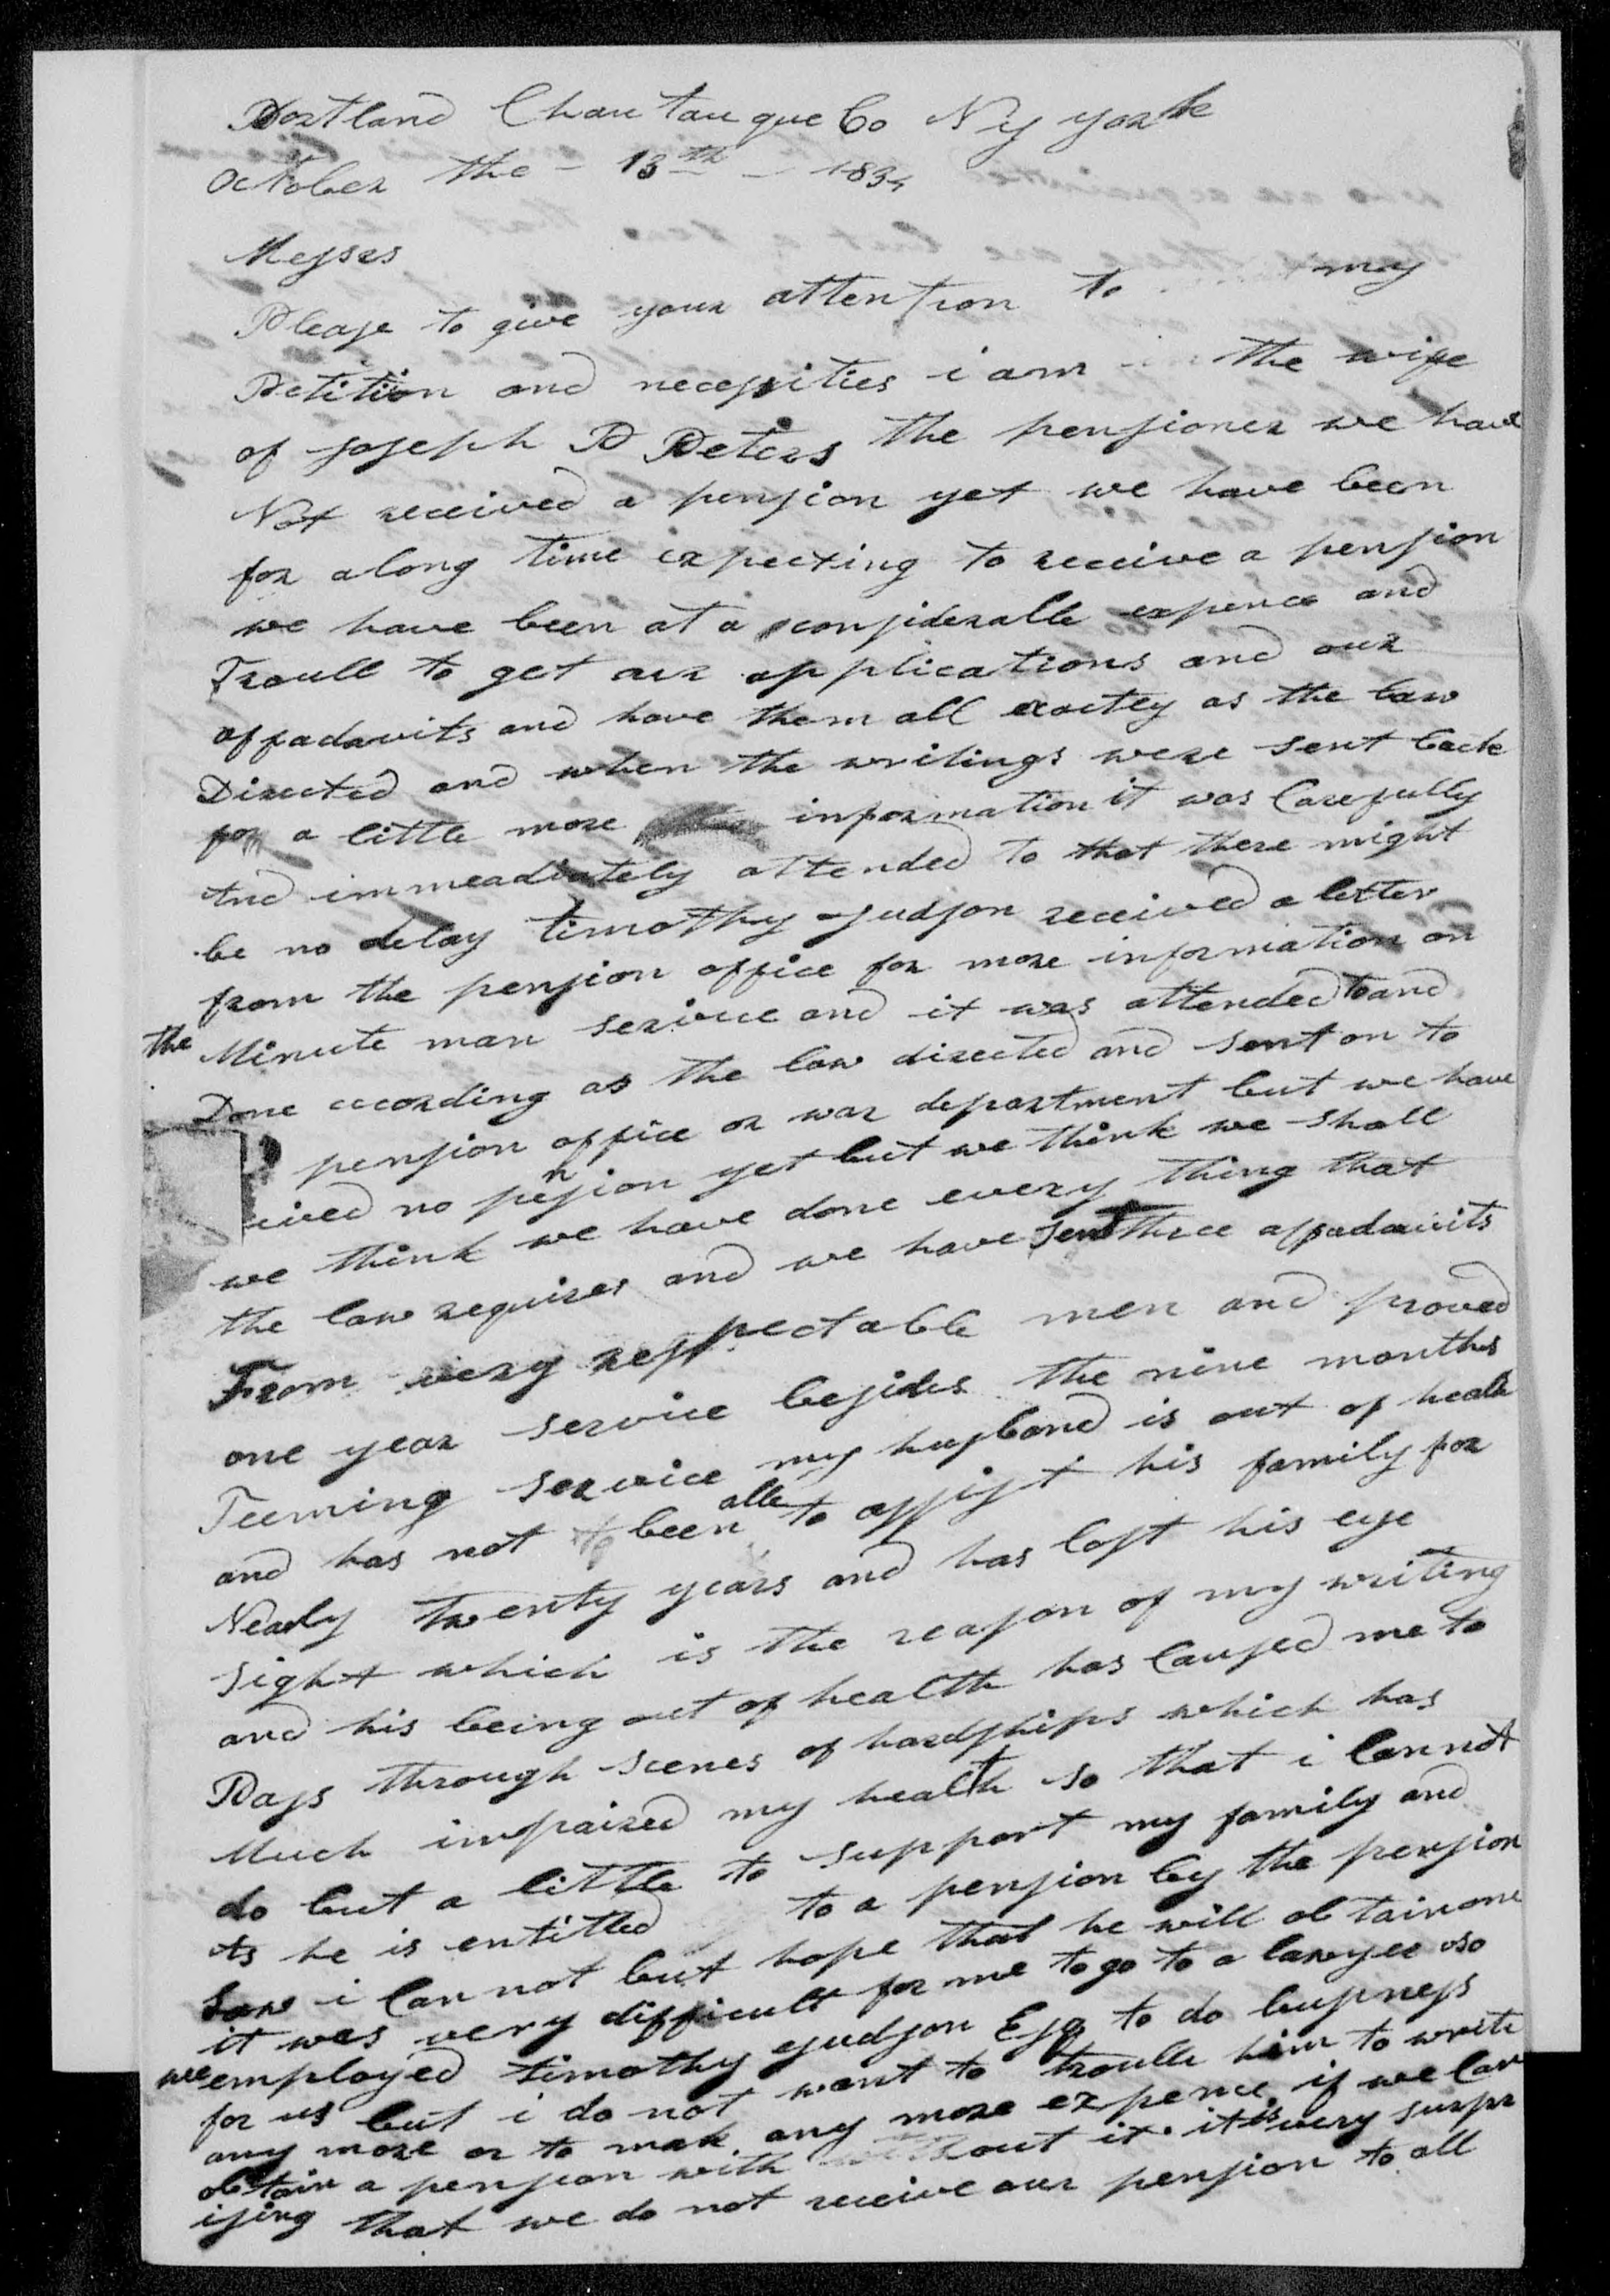Portland Chautauqua Co NY York October the 13th 1834  
Messrs Please to give your attention petition and necessities. I am the wife of Joseph P Peters the pensioner, we have Not received a pension yet we have been for a long time expecting to receive a pension, we have been at a considerable expence and Trouble to get an applications and our affadavits and have them all exactly as the law directed and when the writings were sent back for a little more information it was carefully And immediately attended to that there might be no delay. Timothy Judson received a letter from the pension office for more information on Minute man service and it was attended to and done according as the law directed and sent on to pension office or war department but we have received no pension yet but we think we shall we think we have done every thing that the law requires and we have set three affidavits from very respectable men and proved one year service besides the nine months my husband is out of Teeming service.  My husband is out of health and has not been able to assist his family for nearly twenty years and has lost his eye Sight which is the reason of my writing and his being out of health has caused me to Days through scenes of hardships which has much impaired my health so that I cannot do but a little to support my family and as he is entitled to a pension by the pension Law i cannot but hope that he will obtain one. It was very difficult for me to go to a lawyer so employed Timothy Judgon to do business for us but I do not want to trouble him to write any more or to make any more expence if we can obtain a pension with without it.  It is very surprising that we do not receive our pension to all the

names: Timothy Judson; Joseph P Peters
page: 53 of 73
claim: widow's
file: W. 2338, for Joseph P Peters, Connecticut